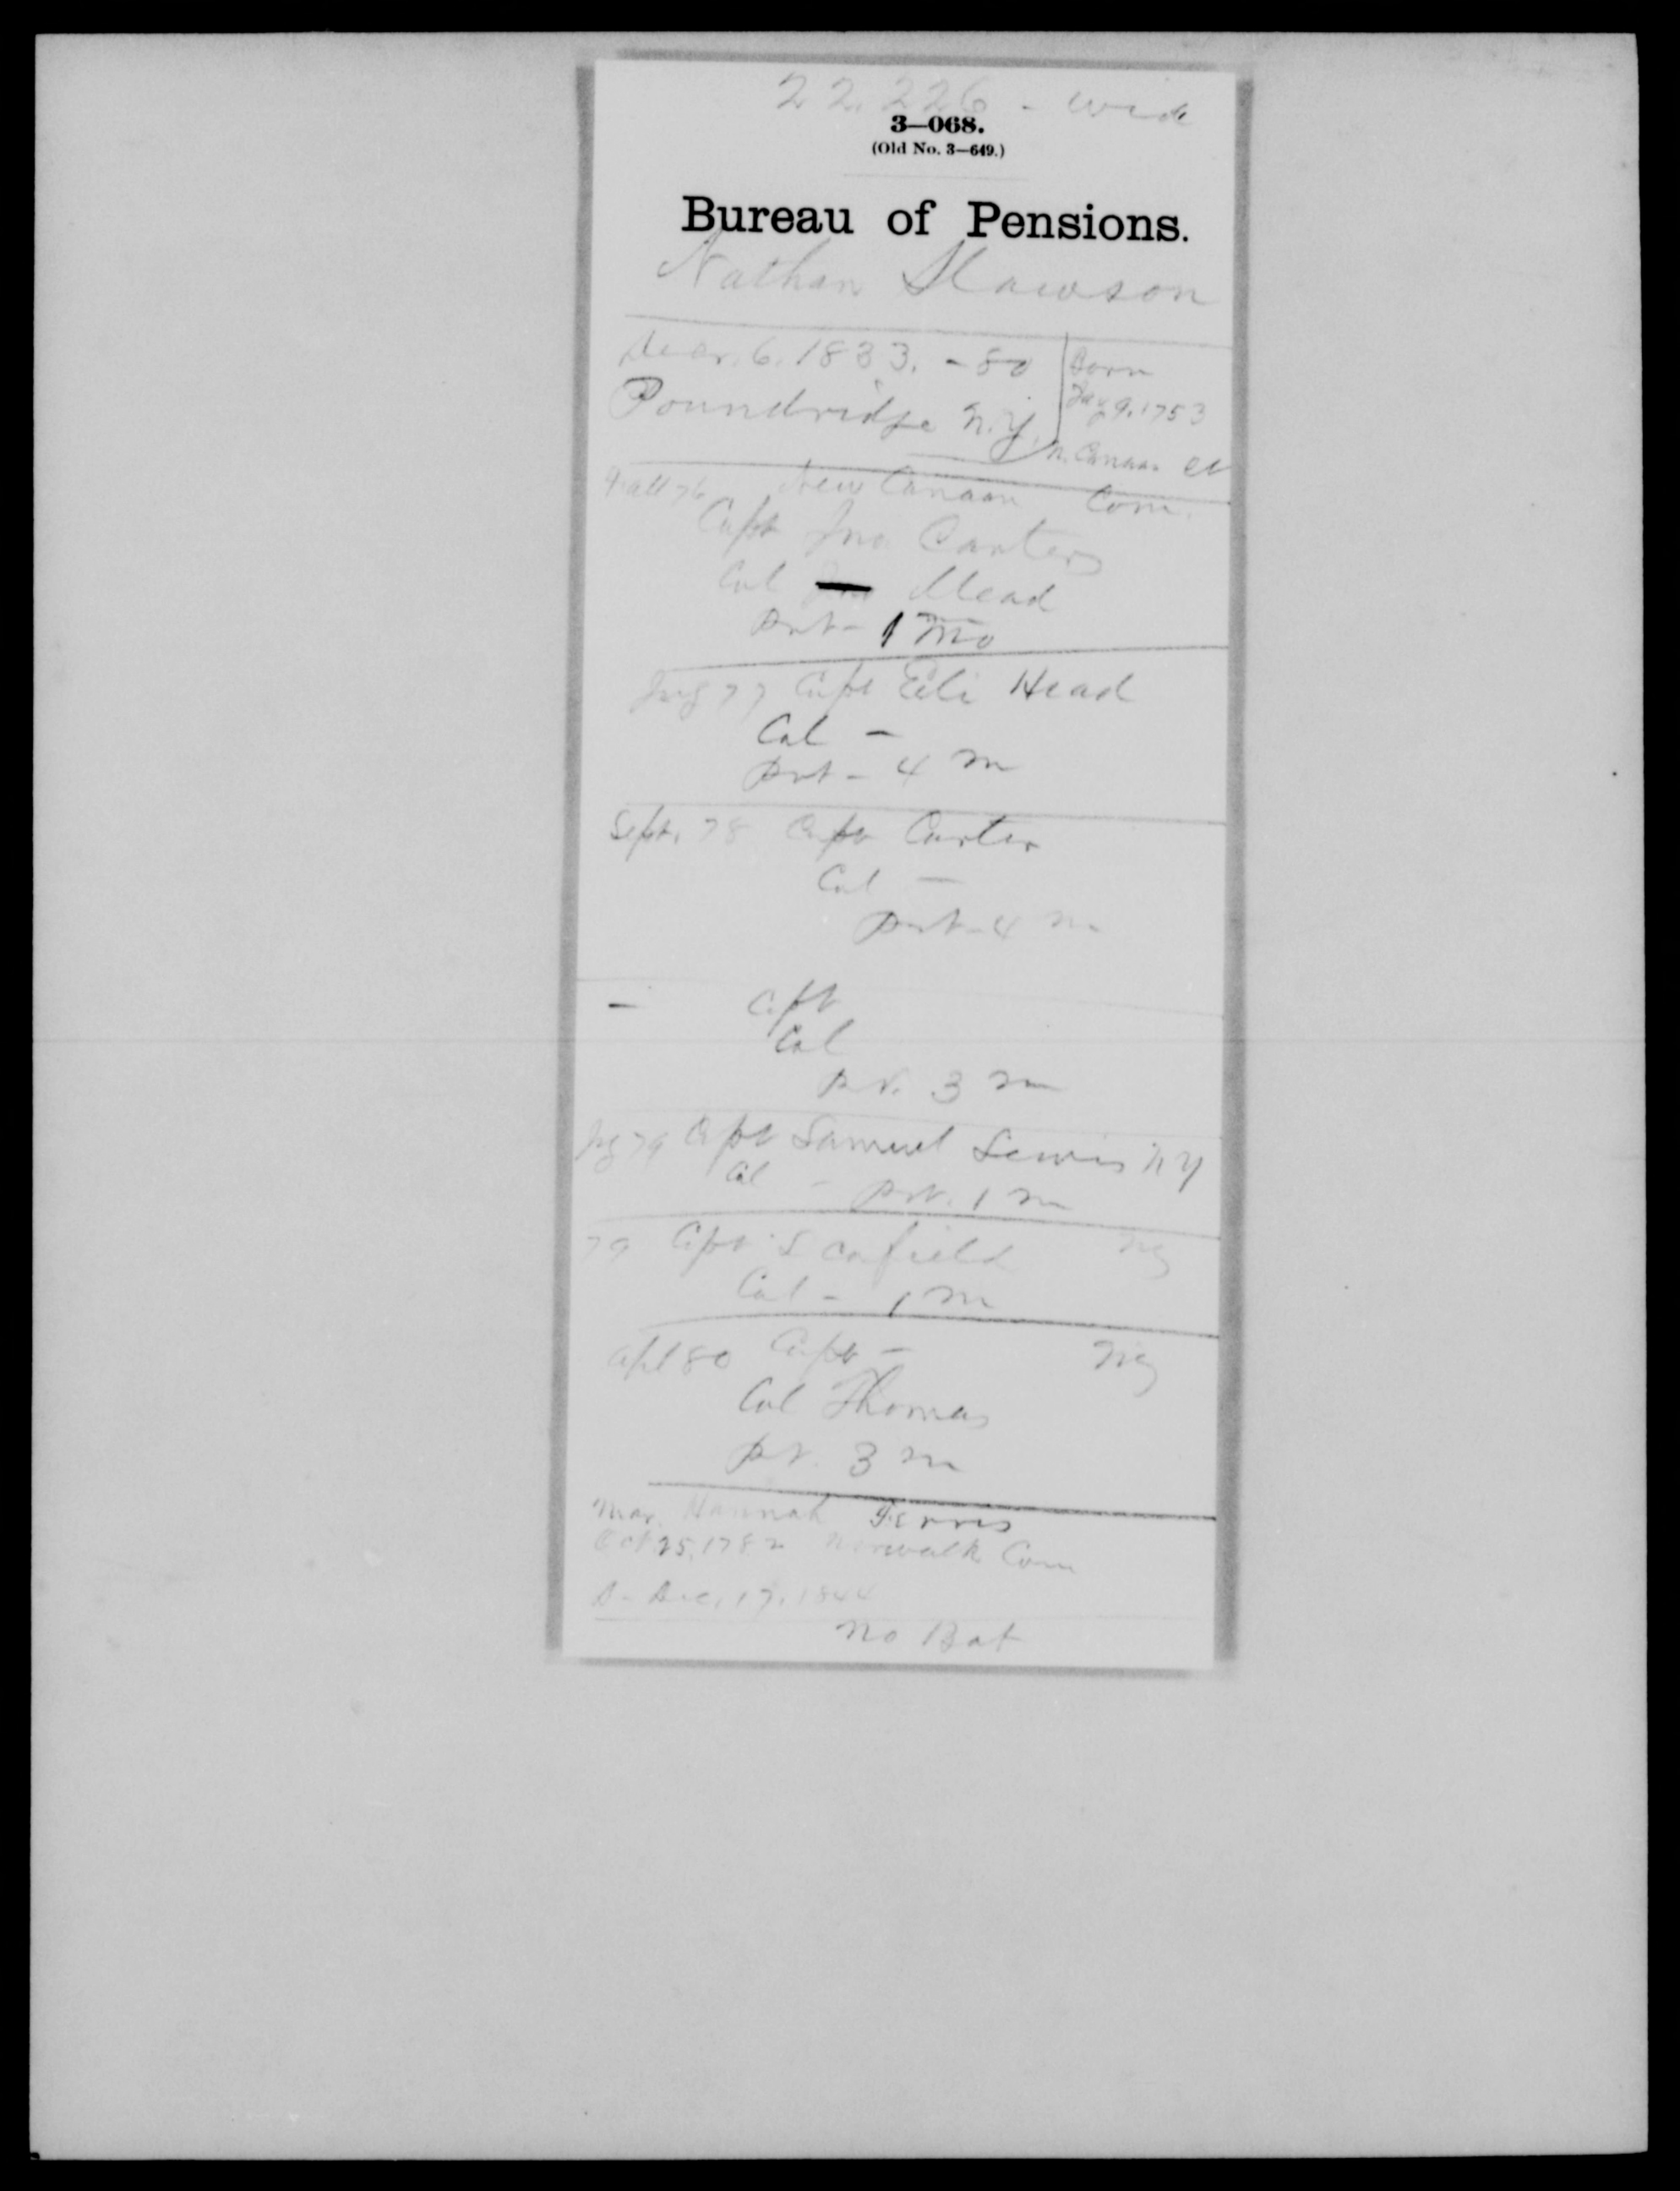22.226 Widow 
3—068.
( Old No. 8 -- 049. ) 
Bureau of Pensions. 
Nathan Slawson 
Decr 6, 1833 – 80 Poundridge N. Y. 
Born Feby 9 1753 in Conn. CN
Fall 76 New Canaan Conn
Capt Jno Carter
Col Mead
Svt 1 mo
Aug 77 Capt Eli Head
Col 1
Pvt 4 mo.
Sept 78. Capt Carter 
Col – 
Svt 4 mo.
Capt Col pr 3 mo
July 79 Capt Samuel Lewis NY Col – pri 1 mo
79 Capt Scofield  NY Col -   1 mo
Apl 80 – Capt – NY.  Col Thomas pri 3 m. 
Mar [married] Hanna Ferris
Oct 25, 1782 Norwalk Conn
S. Dec 17 1844
No Bat [battles]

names: Samuel Lewis; Jno Carter; [BLANK] Thomas; T Scofield; Nathan Slawson; [BLANK] Carter; Eli Head; [BLANK] Mead; Hannah Ferris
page: 39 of 87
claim: widow's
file: W. 22,226, for Nathan Slawson, Connecticut